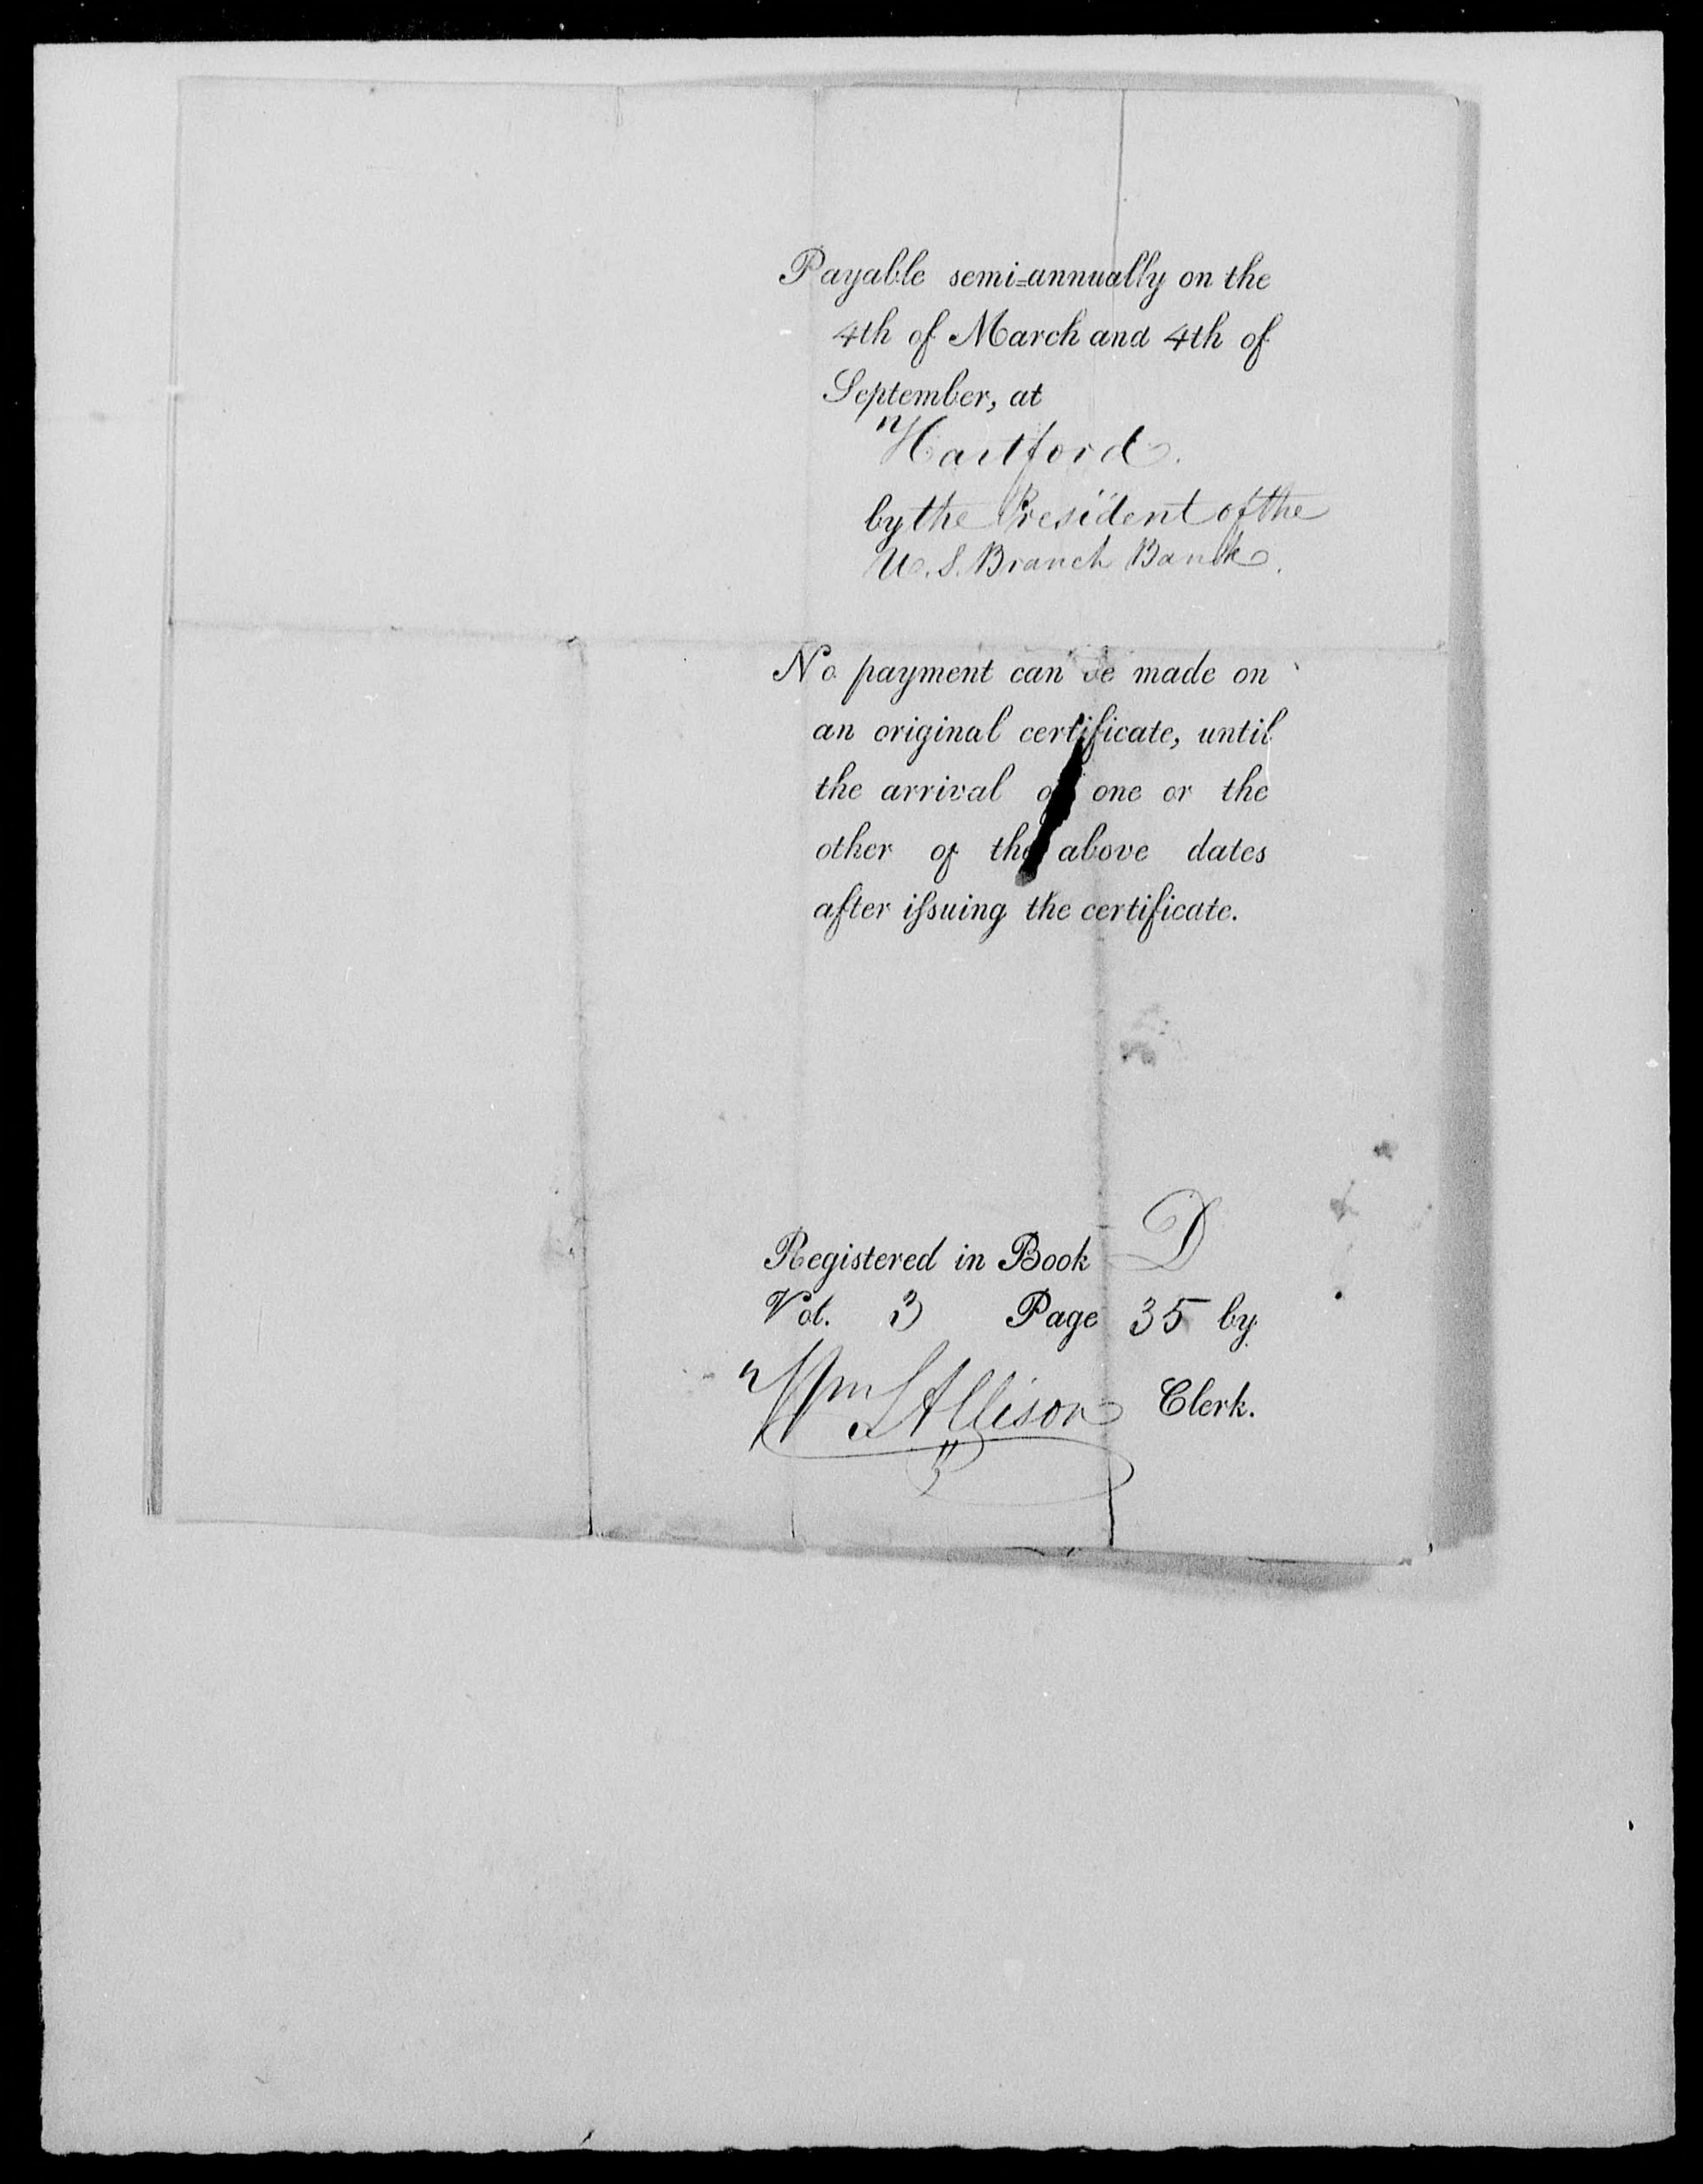Payable semi-annually on the 4th of March and 4th of September, at Hartford by the President of the W. S. Branch Bank 


No payment can be made on an original certificate, until the arrival of one or the other of the above dates after issuing the certificate. 

Registered in Book D Vol. 3 Page 35  by Wm Allison 
Clerk.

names: Wm S Allison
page: 14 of 48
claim: survivor's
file: S. 17343, Lemuel Clarke, Mass.